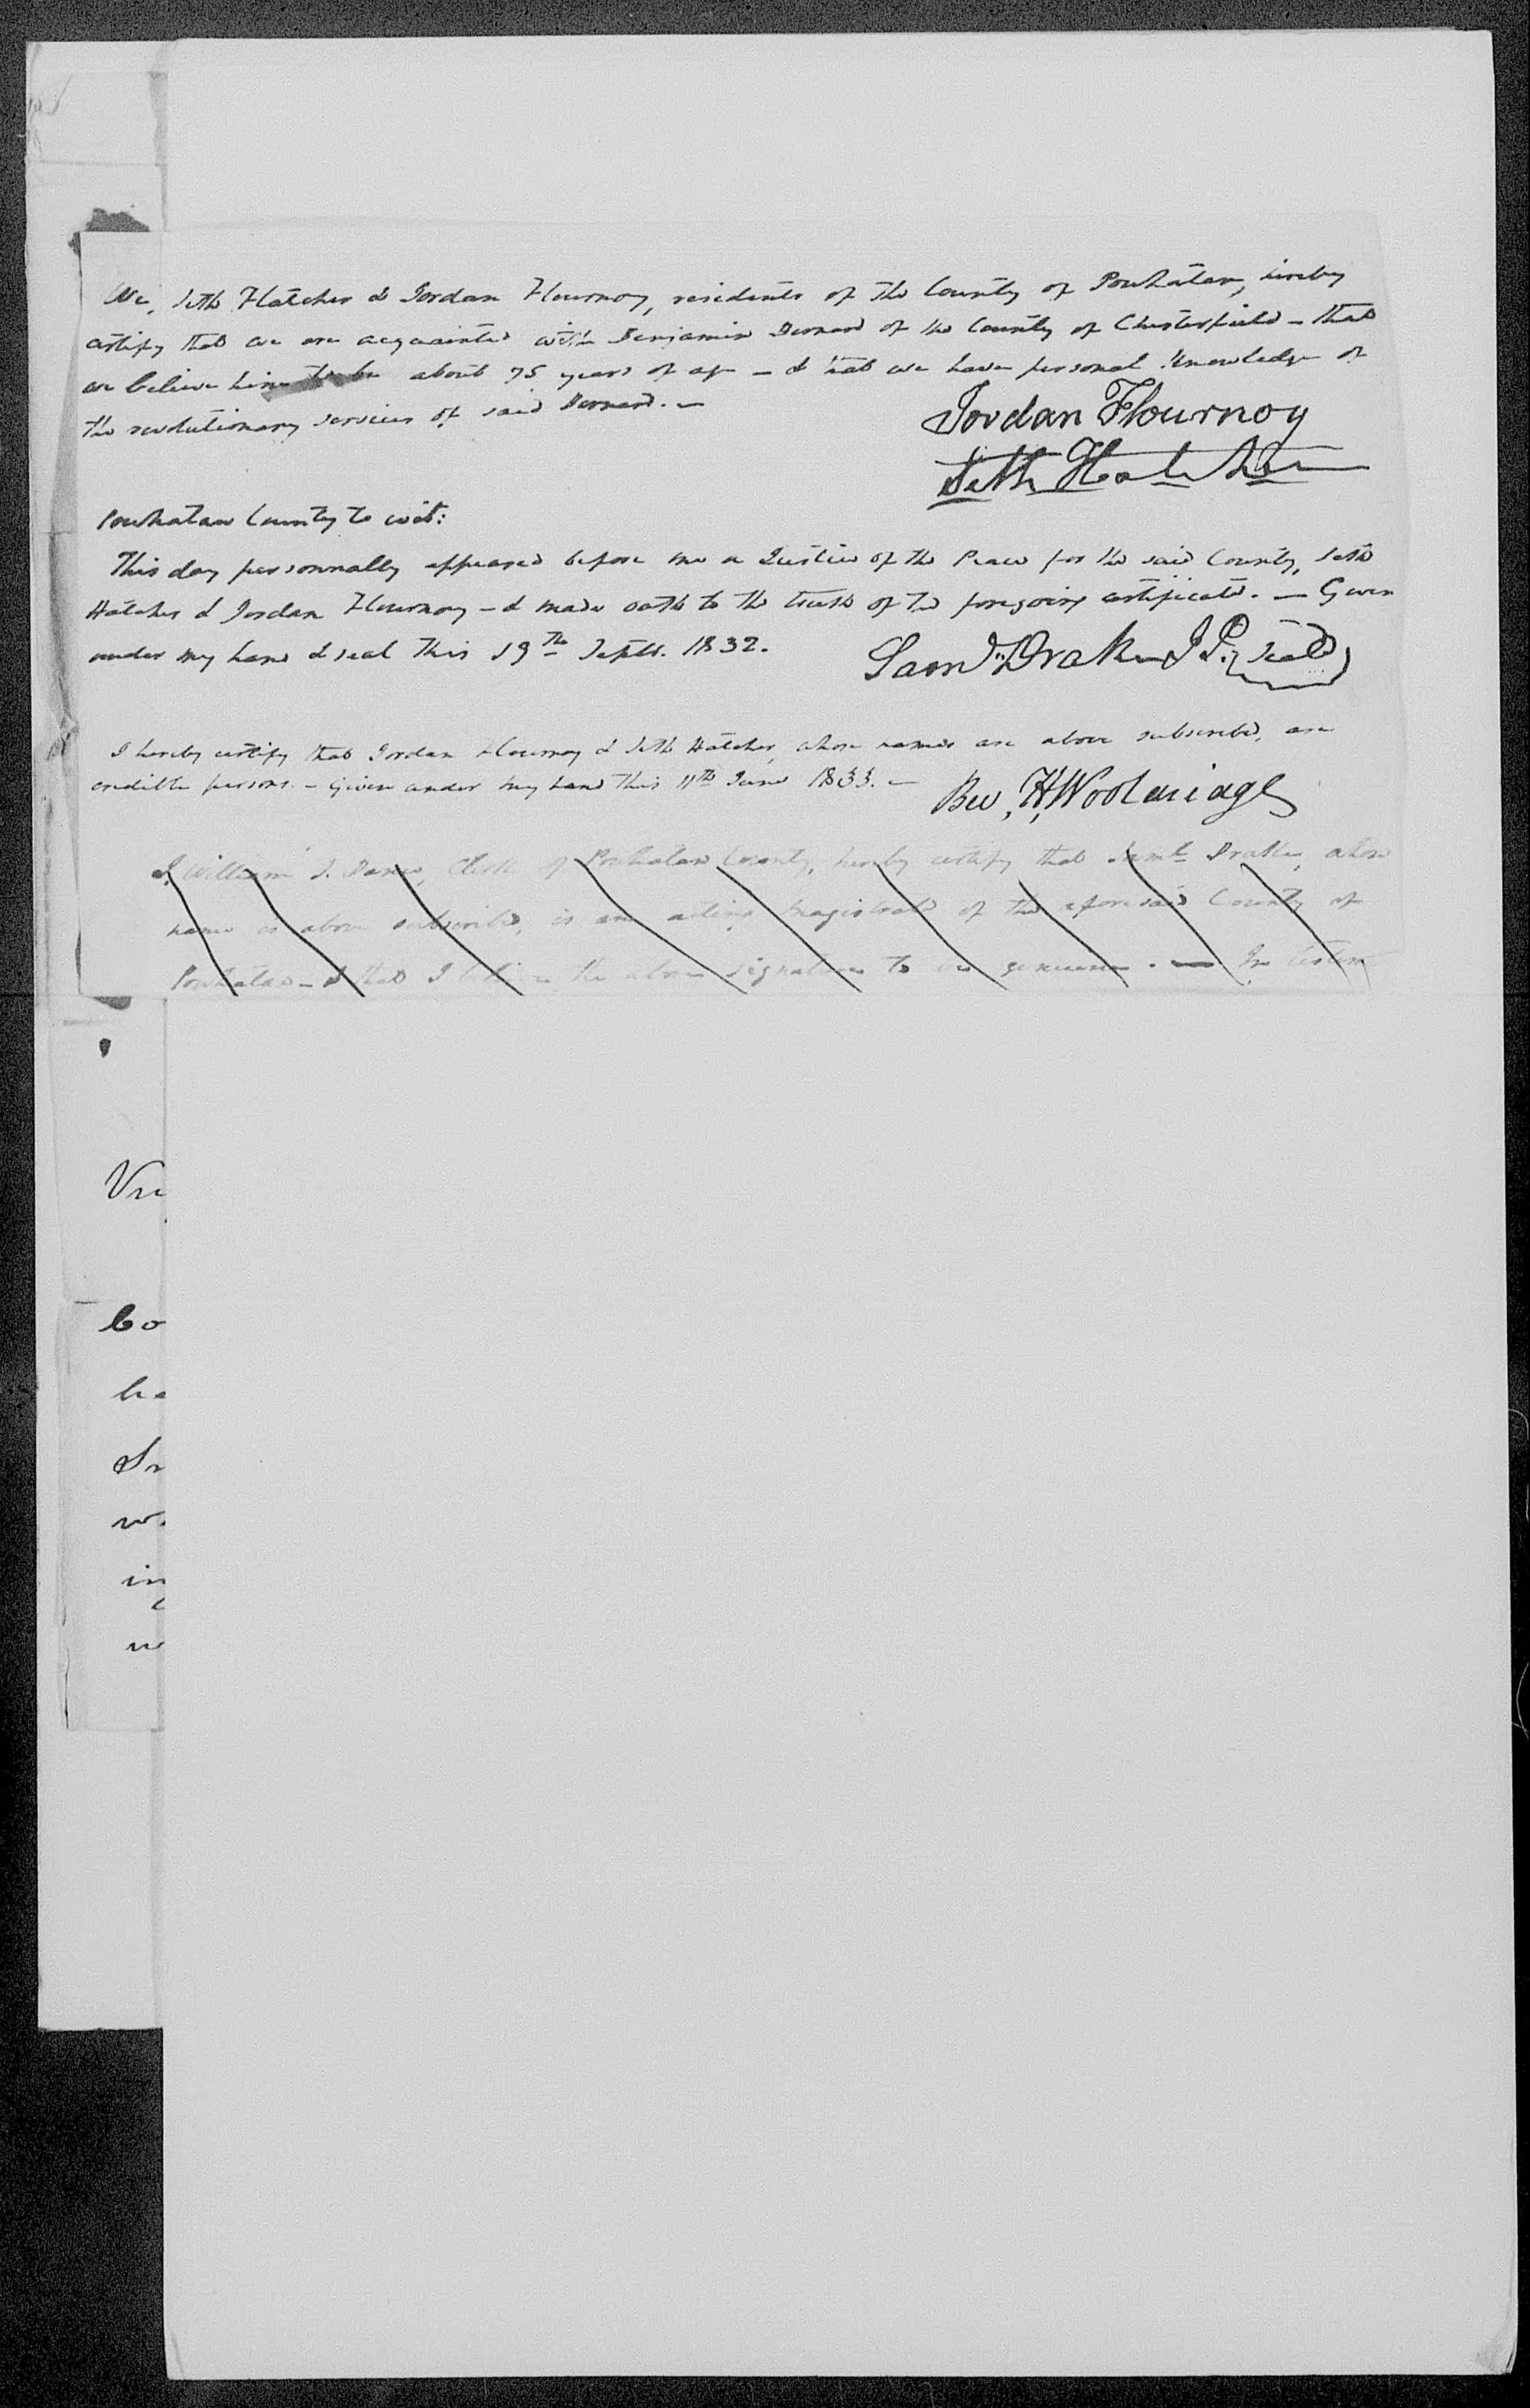We, Seth Hatcher and Jordan Flournoy, residents of the County of Powhaten, hereby certify that we are acquainted with Benjamin Barnard of the County of Chesterfield and that we believe him to be about 75 years of age and that we have personal knowledge of revolutionary services of said Barnard.
     Jordan Flournoy     
     Seth Hatcher

Powhatan County to wit
     This day personally appeared before me a Justice of the Peace of the said County, Seth Hatcher and Jordan Flournoy - and made oath to the truths of the foregoing certificate - Given under my hand and seal this 19th Sept. 1832.
      Sam Drake

I hereby certify that Jordan Flournoy and Seth Hatcher whose names are above inscribed are credible persons and given under my hand this 11th June 1833.
      Bev. H Wooldridge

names: Bee H Wooldridge, Jordan Flournoy, Benjamin Barnard, Seth Hatcher, Jordan Flournoy, Saml Drake, Jordan Flournoy, Seth Hatcher, Jordan Flournoy, Seth Hatcher, Seth Flatcher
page: 14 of 18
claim: survivor's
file: S. 9096, Benjamin Barnard, Va.